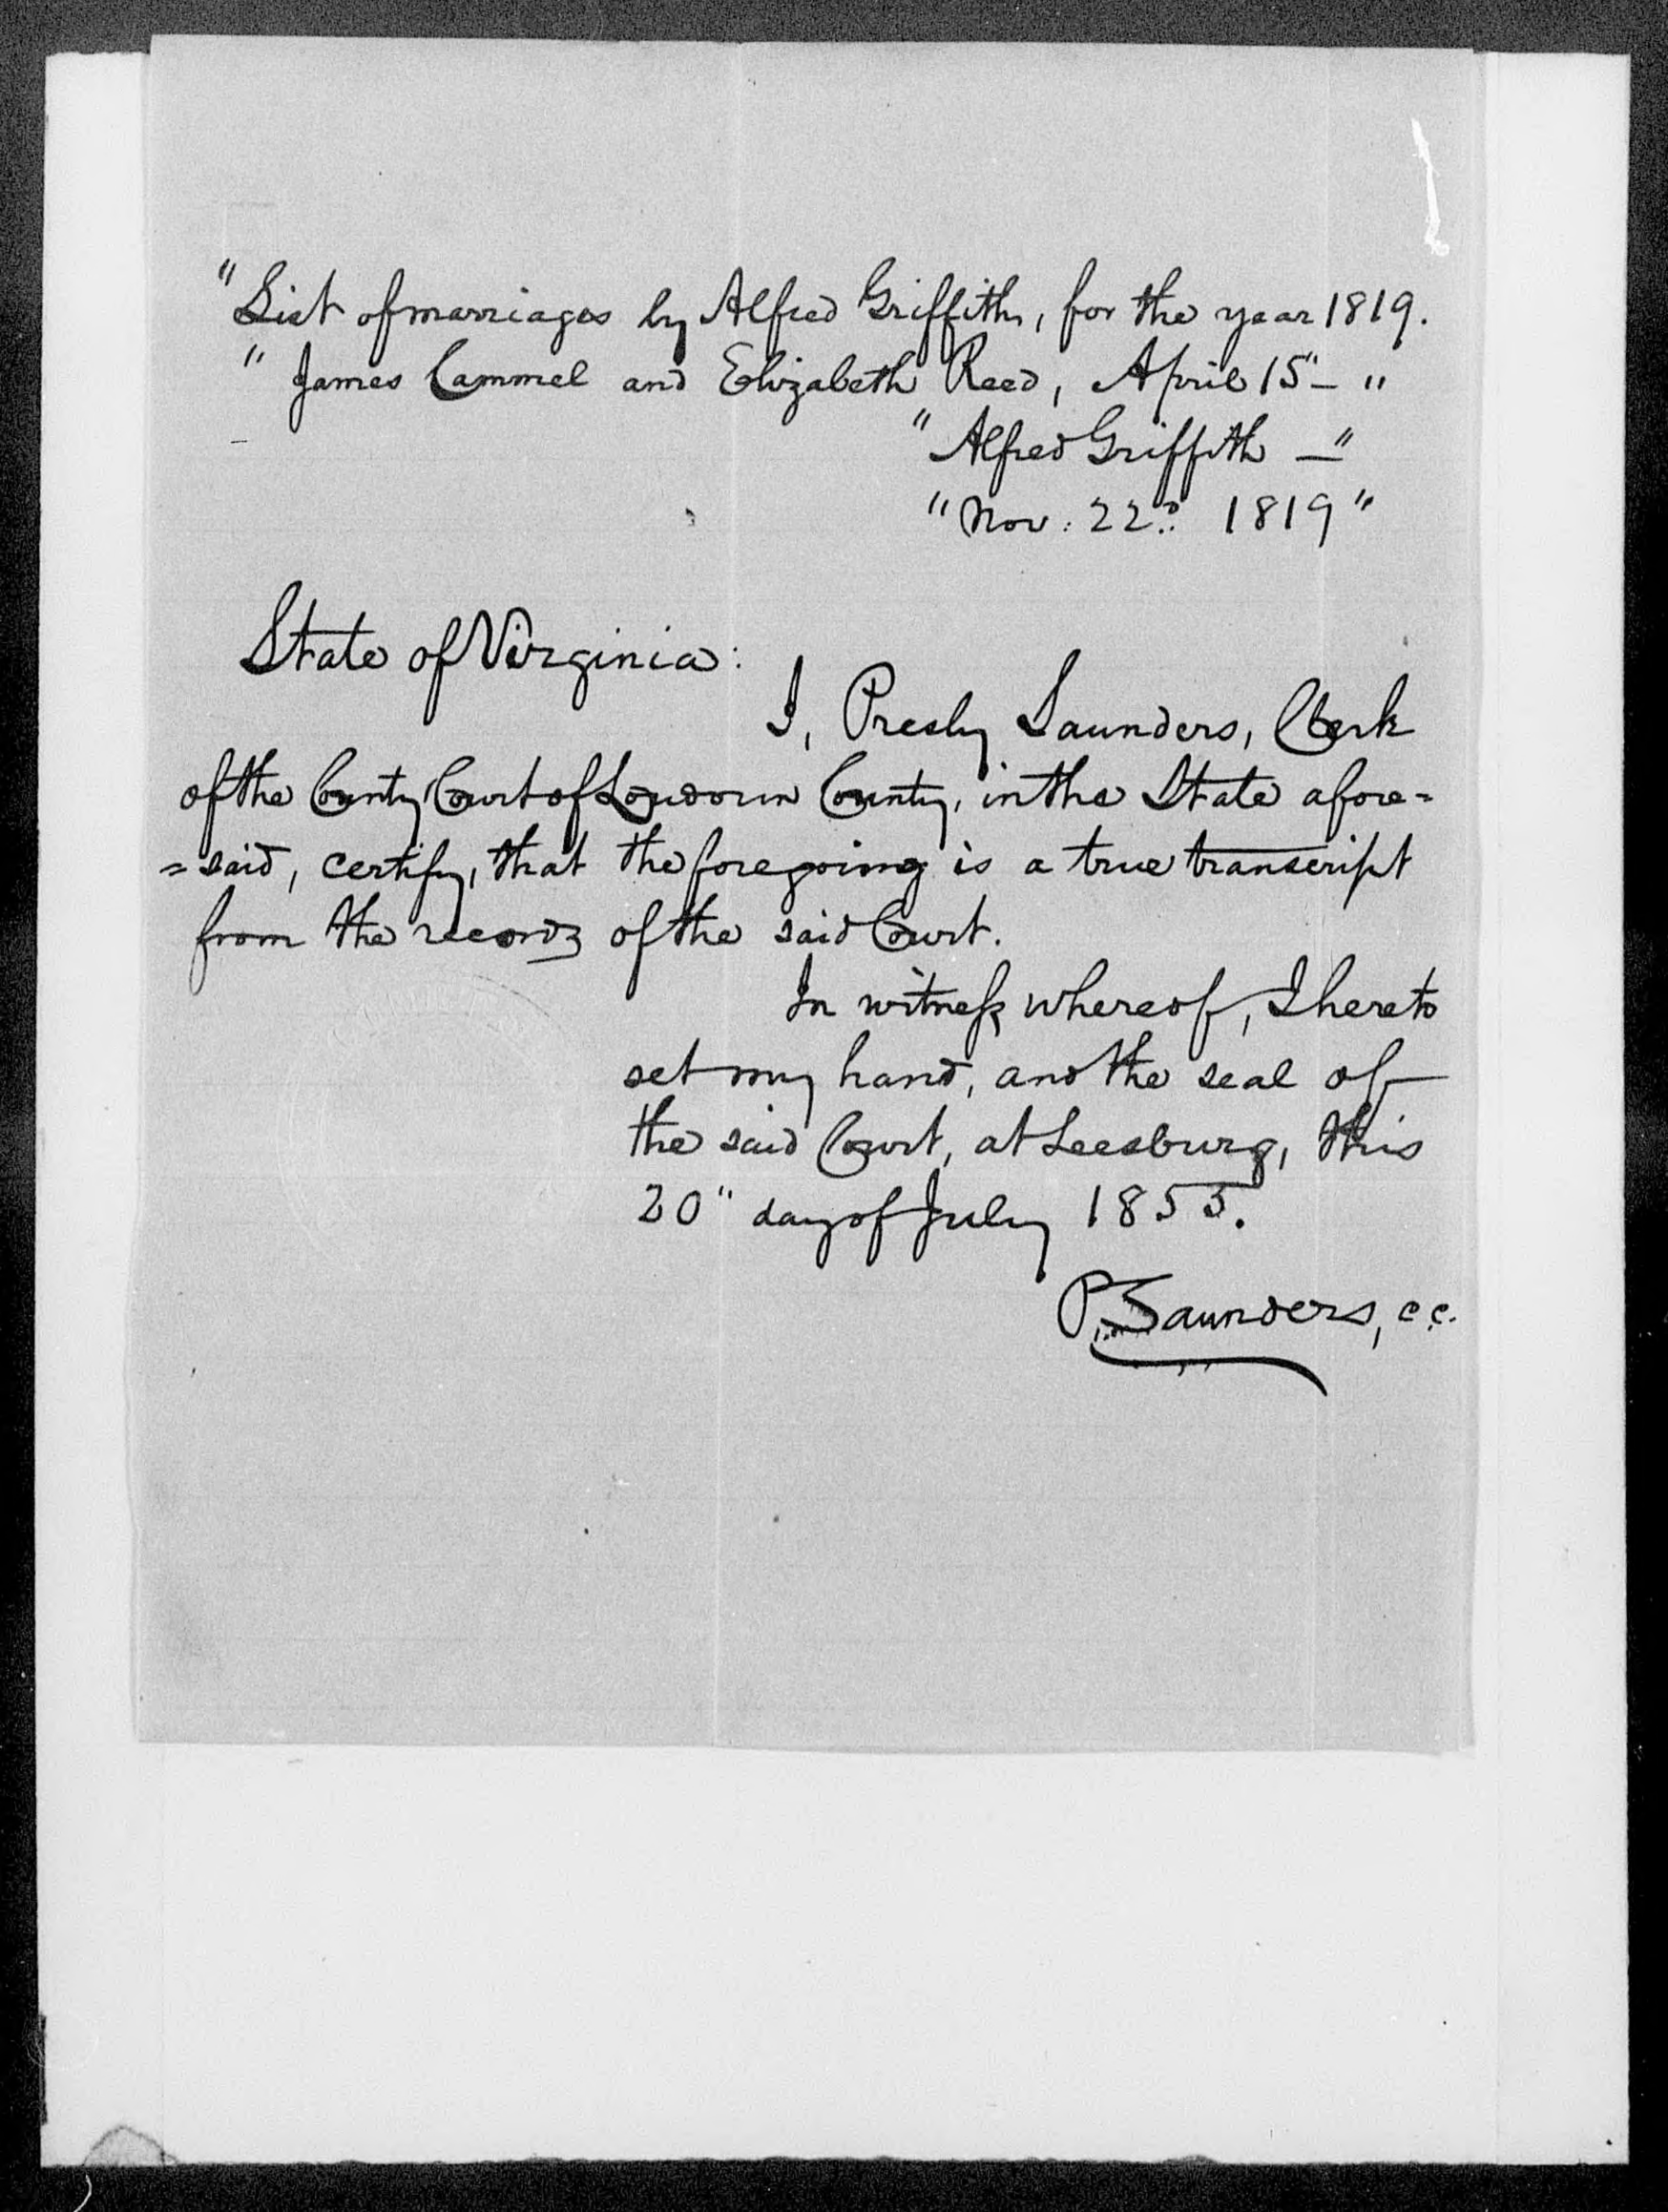"List of marriages by Alfred Griffiths, for the year 1819.
"James Cammel and Elizabeth Reed, April 15th "
"Alfred Griffith - "
"Nov. 22d. 1819"
State of Virginia:
I Presley Saunders, Clerk of the County Court of Sanborn County, in the State aforesaid, certify, that the foregoing is a true transcript from the records of the said Court.
In witness whereof, I hereto set my hand, and the seal of the said Court, at Leesburg, this 20" day of July 1855.
P. Saunders, C. C.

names: Alfred Griffith, Alfred Griffiths, James Cammel, P Saunders, Presly Saunders, Elizabeth Reed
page: 9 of 47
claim: widow's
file: W. 25384, James Campbell, Va.